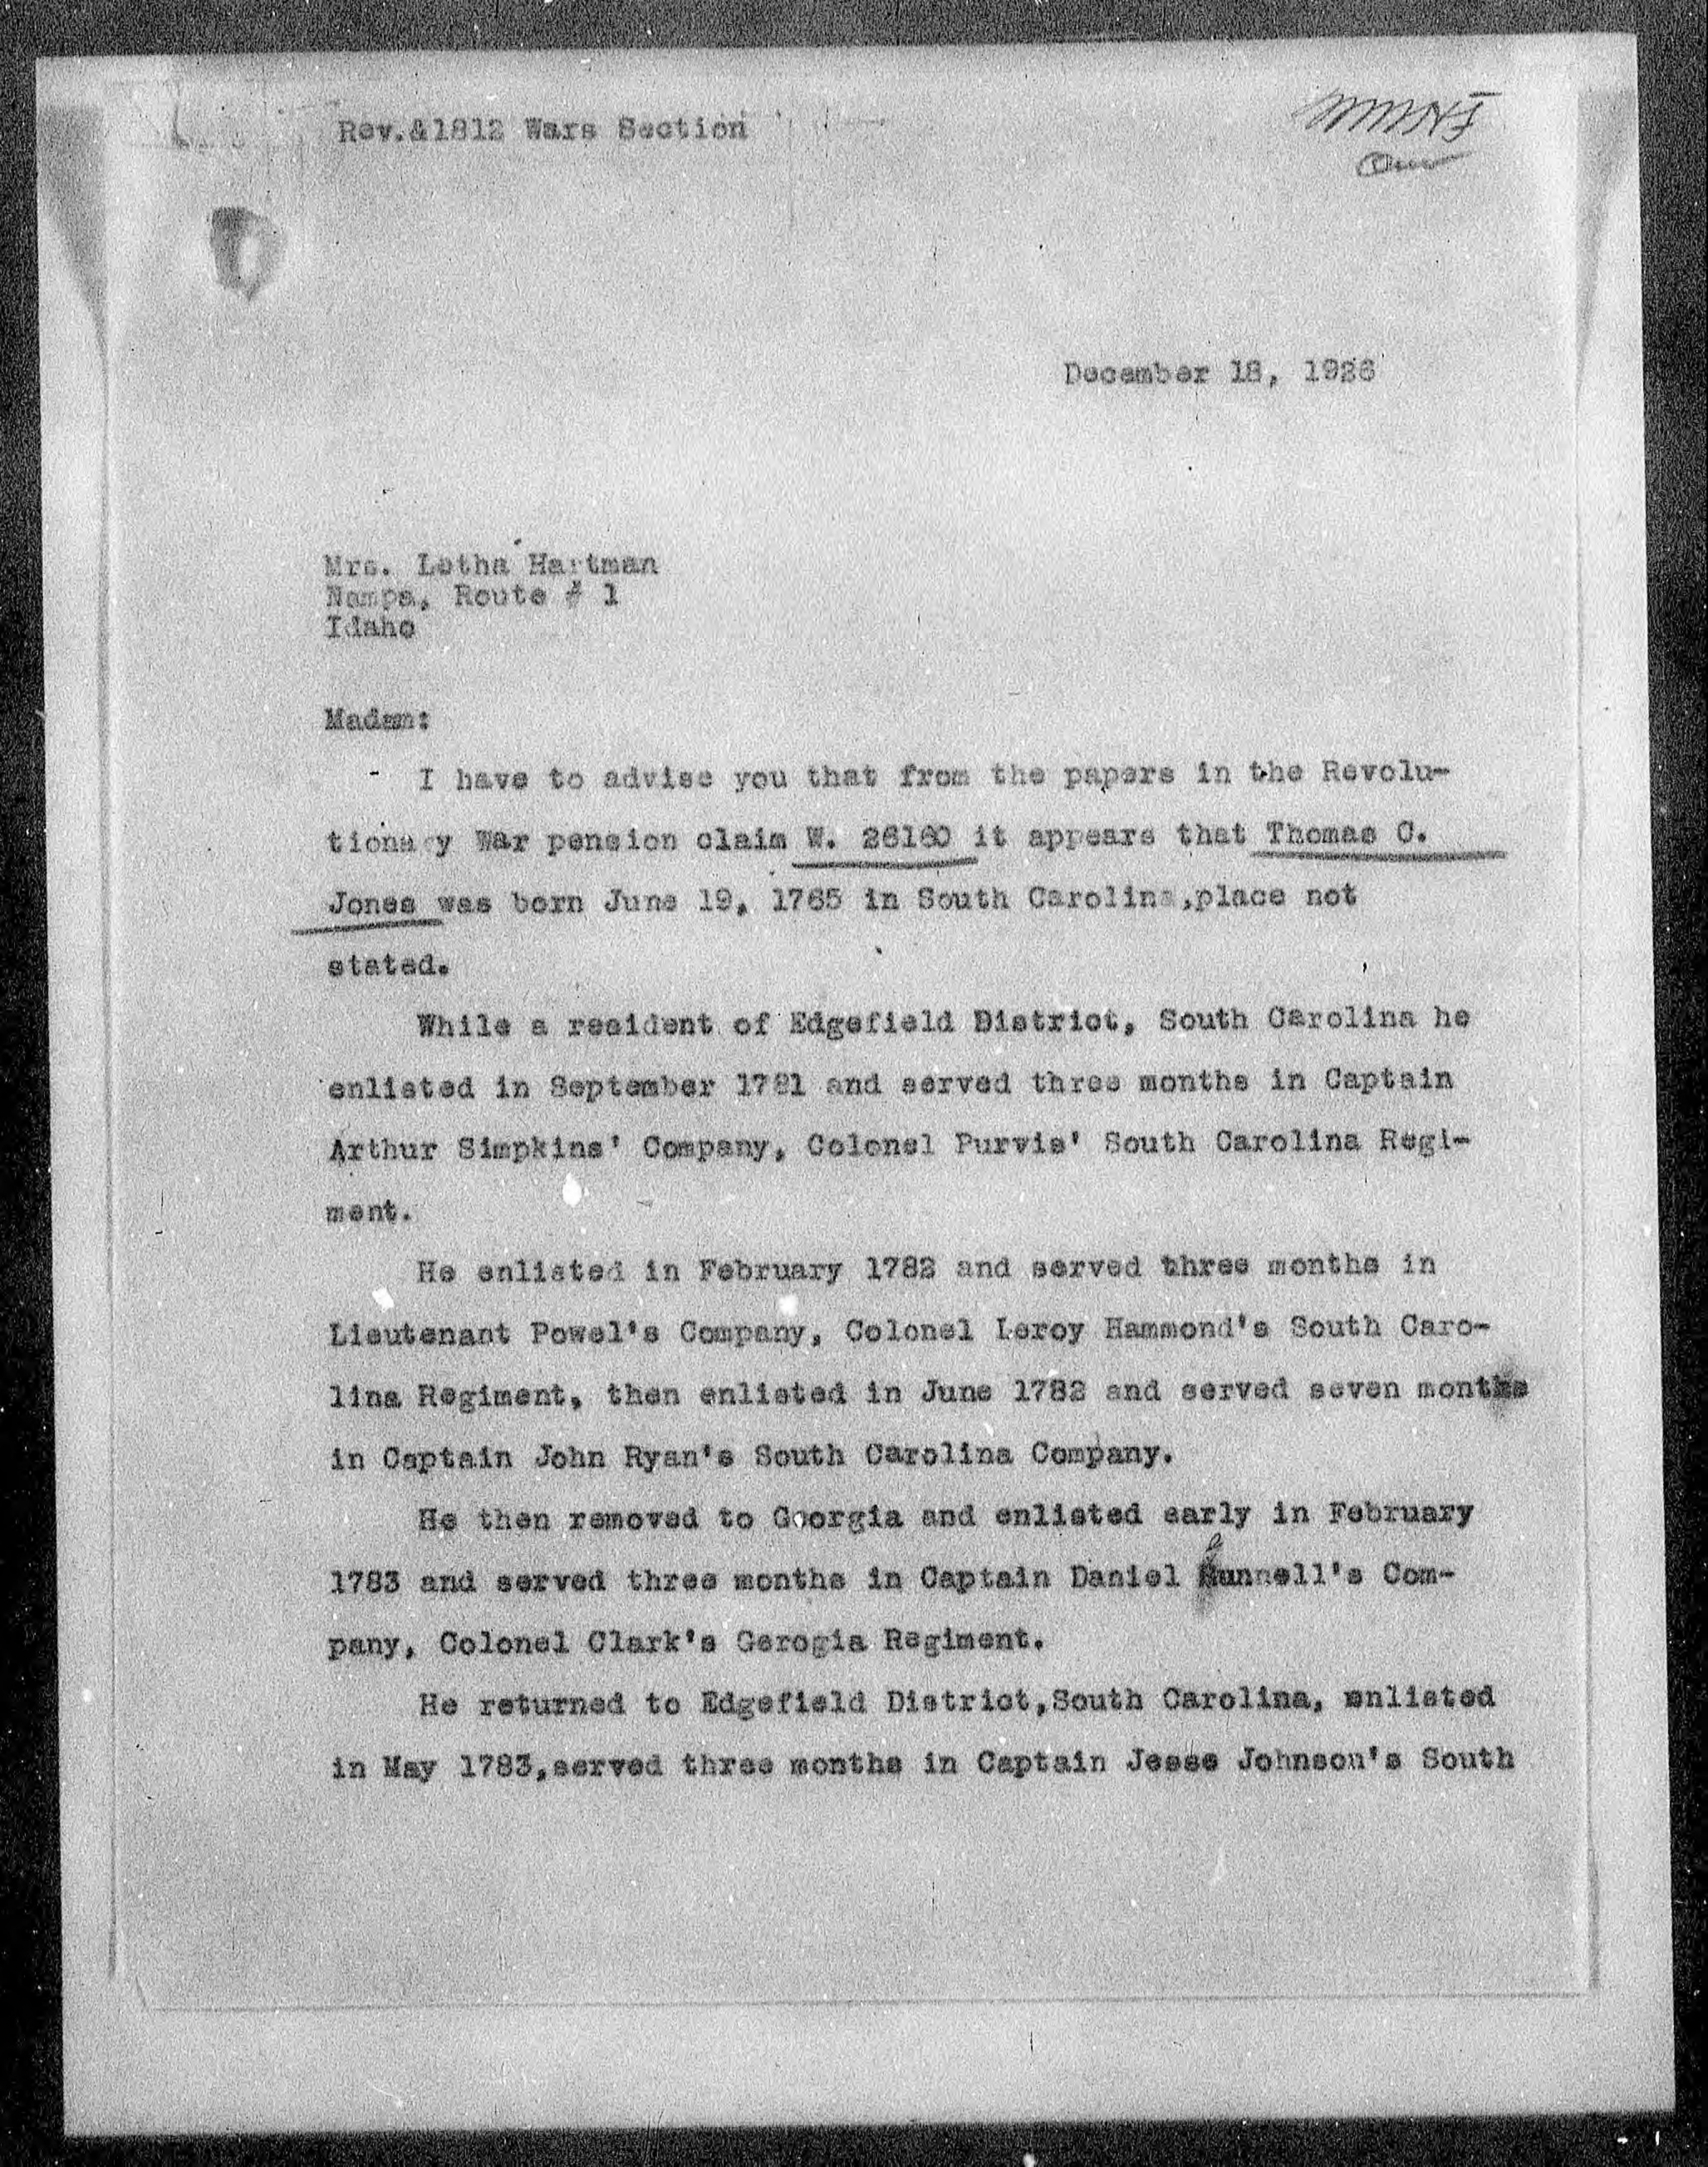Rev.&1812 Wars Section

December 18,, 1926

Mrs. Letha Hartman
Nampa, Route #1
Idaho

Madam:

I have to advise you that from the papers in the Revolu-
tionary War pension claim W. 26160 it appears that Thomas C.
Jones was born June 18, 1765 in South Carolina, place not
stated.

While a resident of Edgefield District, South Carolina he
enlisted in September 1781 and served three months in Captain
Arthur Simpkins' Company, Colonel Purvis' South Carolina Regi-
ment.

He enlisted in February 1782 and served three months in 
Lieutenant Powel's Company, Colonel Leroy Hammond's South Caro-
lina Regiment, then enlisted in June 1782 and served seven months 
in Captain John Ryan's South Carolina Company.

He then removed to Georgia and enlisted early in February
1783 and served three months in Captain Daniel Gunnell's Com-
pany, Colonel Clark's Georgia Regiment.

He returned to Edgefield District, South Carolina, enlisted
in May 1783, served three months in Captain Jesse Johnson's South 
Lieutenant Pow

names: Letha Hartman; Thomas C Jones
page: 23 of 45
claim: widow's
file: W. 26160, for Thomas C Jones, Georgia